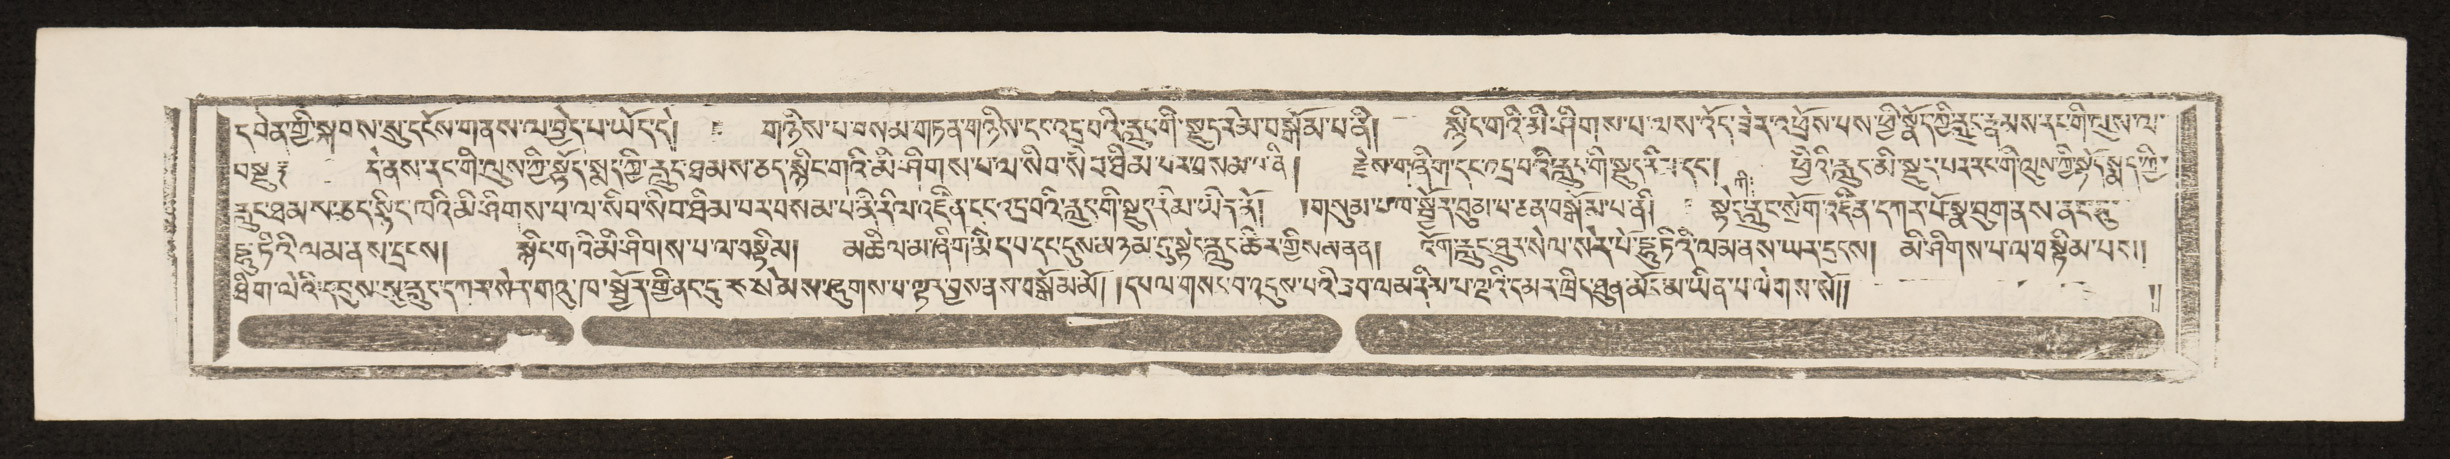དབེན་གྱི་སྐབས་སུ་དངོས་གནས་ལ་བྱེད་པ་ཡོད་དེ། གཉིས་པ་བསམ་གཏན་གཉིས་དང་འདྲ་བའི་རླུང་གི་སྡུད་རིམ་བསྒོམ་པ་ནི། སྙིང་གའི་མི་ཤིགས་པ་ལས་འོད་ཟེར་འཕྲོས་པས་ཕྱི་སྣོད་ཀྱི་རླུང་རྣམས་རང་གི་ལུས་ལ་
བསྡུ༑ དེ་ནས་རང་གི་ལུས་ཀྱི་སྟོད་སྨད་ཀྱི་རླུང་ཐམས་ཅད་སྙིང་གའི་མི་ཤིགས་པ་ལ་སིབ་སིབ་ཐིམ་པར་བསམ་ཞིང་། རྗེས་གཞིག་དང་འདྲ་བའི་རླུང་གི་སྡུད་རིམ་དང་། ཕྱིའི་རླུང་མི་སྡུད་པར་རང་གི་ལུས་ཀྱི་སྟོད་སྨད་ཀྱི་
རླུང་ཐམས་ཅད་སྙིང་ཁའི་མི་ཤིགས་པ་ལ་སིབ་སིབ་ཐིམ་པར་བསམ་པ་ནི་རིལ་འཛིན་དང་འདྲ་བའི་རླུང་གི་སྡུད་རིམ་ཡིན་ནོ། །གསུམ་པ་ཁ་སྦྱོར་བུམ་པ་ཅན་བསྒོམ་པ་ནི། སྟེང་རླུང་སྲོག་འཛིན་དཀར་པོ་སྣ་བུག་ནས་ནང་དུ་
དྷུ་ཏིའི་ལམ་ནས་དྲངས། སྙིང་གའི་མི་ཤིགས་པ་ལ་བསྟིམ། མཆི་ལམ་ཞིག་མིད་པ་དང་དུས་མཉམ་དུ་སྟེང་རླུང་ཆིར་གྱིས་མནན། འོག་རླུང་ཐུར་སེལ་སེར་པོ་དྷུ་ཏིའི་ལམ་ནས་ཡར་དྲངས། མི་ཤིགས་པ་ལ་བསྟིམ་པས་
ཐིག་ལེའི་དབུས་སུ་རླུང་དཀར་སེར་གའུ་ཁ་སྦྱོར་གྱི་ནང་དུ་རང་སེམས་ཞུགས་པ་ལྟར་བྱས་ནས་བསྒོམ་མོ། །དཔལ་གསང་བ་འདུས་པའི་ཟབ་ལམ་རིམ་པ་ལྔའི་དམར་ཁྲིད་ཐུན་མོང་མ་ཡིན་པ་ལེགས་སོ།། །།